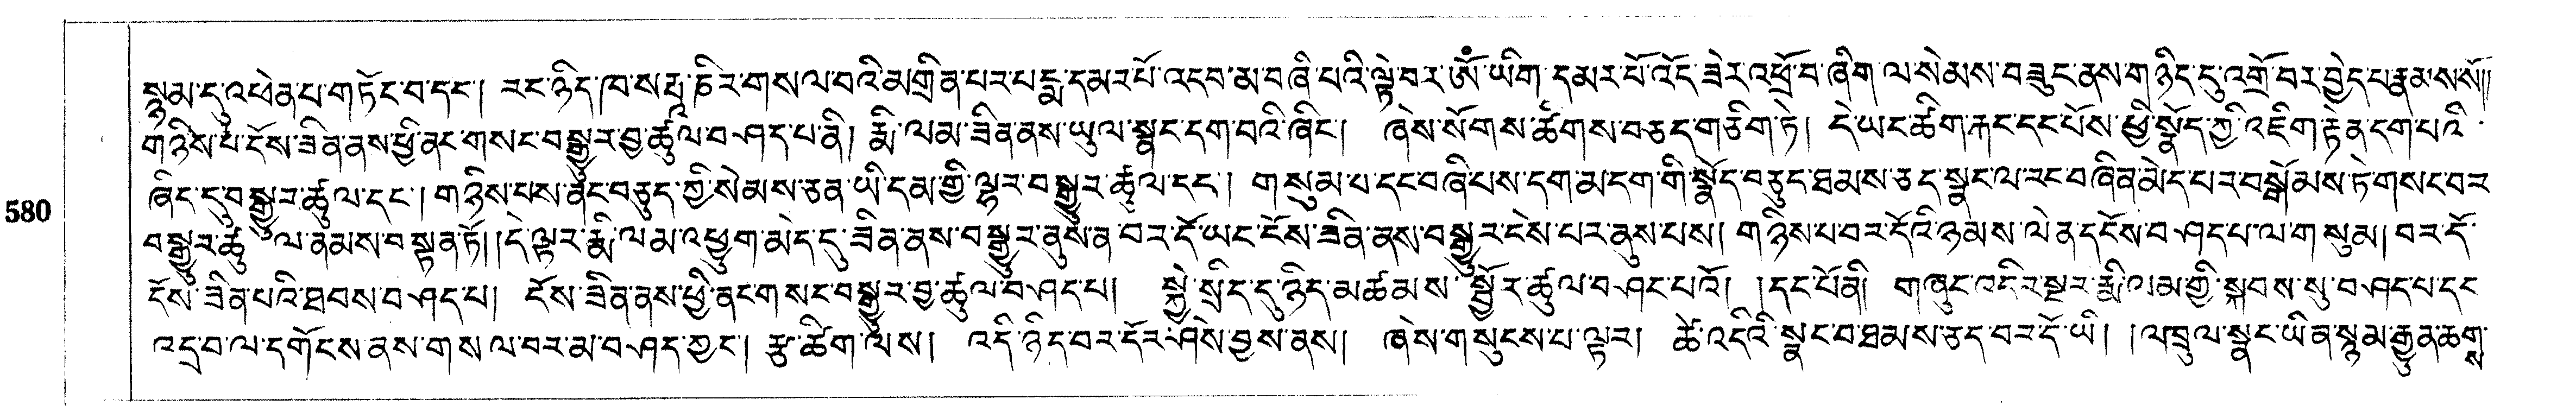སྙམ་དུ་འཕེན་པ་གཏོང་བ་དང་། རང་ཉིད་ཁ་སརྦའ་ཎིར་གསལ་བའི་མགྲིན་པར་པདམ་དམར་པོ་འདབ་མ་བཞི་པའི་ལྟེ་བར་ཨོཾ་ཡིག་དམར་པོ་འོད་ཟེར་འཕྲོ་བ་ཞིག་ལ་སེམས་བཟུང་ནས་གཉིད་དུ་འགྲོ་བར་བྱེད་པ་རྣམས་སོ།།
གཉིས་པ་ངོས་ཟིན་ནས་ཕྱི་ནང་གསང་བསྒྱུར་བྱ་ཚུལ་བཤད་པ་ནི། རྨི་ལམ་ཟིན་ནས་ཡུལ་སྣང་དག་པའི་ཞིང་། ཞེས་སོགས་ཚིགས་བཅད་གཅིག་ཏེ། དེ་ཡང་ཚིག་རྐང་དང་པོས་ཕྱི་སྣོད་ཀྱི་འཇིག་རྟེན་དག་པའི་
ཞིང་དུ་བསྒྱུར་ཚུལ་དང་། གཉིས་པས་ནང་བཅུད་ཀྱི་སེམས་ཅན་ཡི་དམ་གྱི་ལྷར་བསྒྱུར་ཚུལ་དང་། གསུམ་པ་དང་བཞི་པས་དག་མ་དག་གི་སྣོད་བཅུད་ཐམས་ཅད་སྣང་ལ་རང་བཞིན་མེད་པར་བསྒོམས་ཏེ་གསང་བར་
བསྒྱུར་ཚུལ་ནམས་བསྟན་ཏོ། །དེ་ལྟར་རྨི་ལམ་འཕྱུག་མེད་དུ་ཟིན་ནས་བསྒྱུར་ནུས་ན་བར་དོ་ཡང་ངོས་ཟིན་ནས་བསྒྱུར་ངེས་པར་ནུས་པས། གཉིས་པ་བར་དོའི་ཉམས་ལེན་དངོས་བཤད་པ་ལ་གསུམ། བར་དོ་
ངོས་ཟིན་པའི་ཐབས་བཤད་པ། ངོས་ཟིན་ནས་ཕྱི་ནང་གསང་བསྒྱུར་བྱ་ཚུལ་བཤད་པ། སྐྱེ་སྲིད་དུ་ཉིད་མཚམས་སྦྱོར་ཚུལ་བཤད་པའོ། །དང་པོ་ནི། གཞུང་འདིར་སྔར་རྨི་ལམ་གྱི་སྐབས་སུ་བཤད་པ་དང་
འདྲ་བ་ལ་དགོངས་ནས་གསལ་བར་མ་བཤད་ཀྱང་། རྩ་ཚིག་ལས། འདི་ཉིད་བར་དོར་ཤེས་བྱས་ནས། ཞེས་གསུངས་པ་ལྟར། ཚེ་འདིའི་སྣང་བ་ཐམས་ཅད་བར་དོ་ཡི། །འཁྲུལ་སྣང་ཡིན་སྙམ་རྒྱུན་ཆགས་